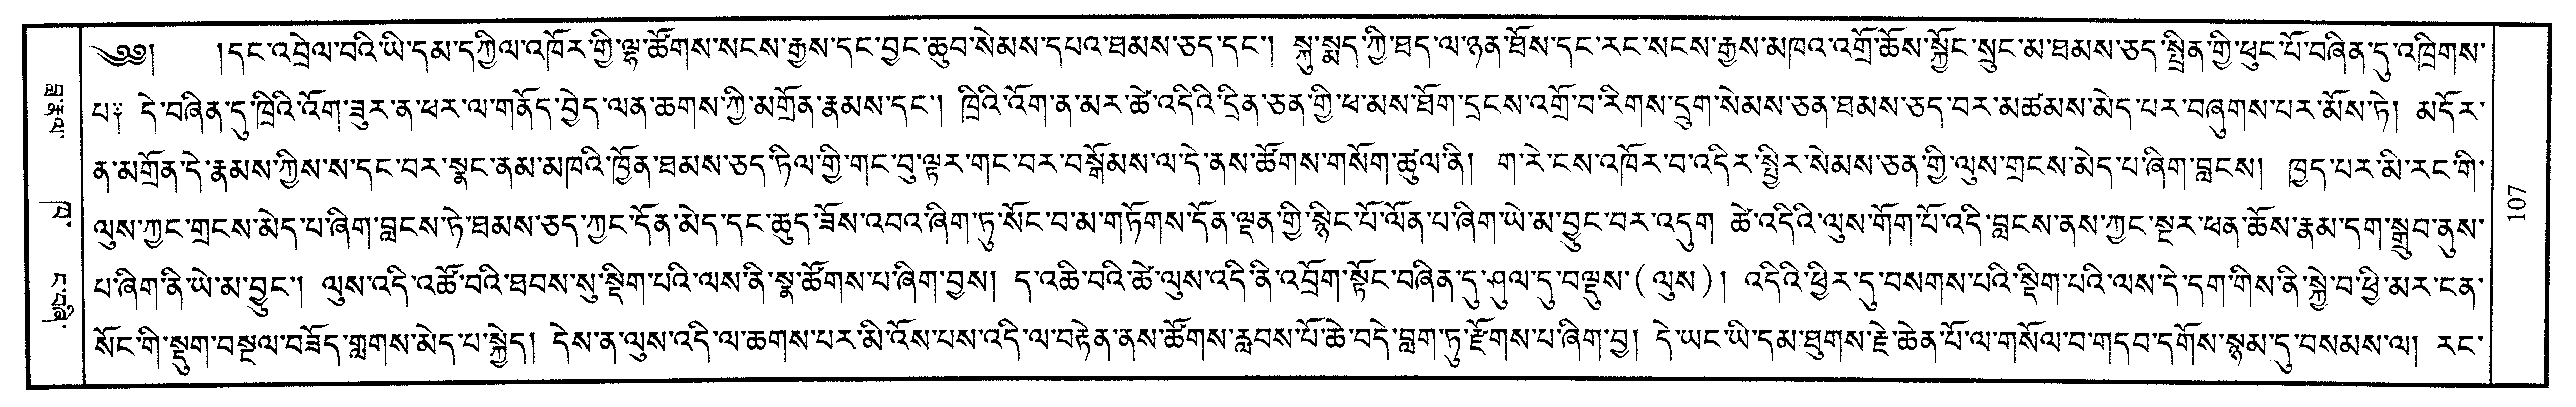༄༅། །དང་འབྲེལ་བའི་ཡི་དམ་དཀྱིལ་འཁོར་གྱི་ལྷ་ཚོགས་སངས་རྒྱས་དང་བྱང་ཆུབ་སེམས་དཔའ་ཐམས་ཅད་དང་། སྐུ་སྨད་ཀྱི་ཐད་ལ་ཉན་ཐོས་དང་རང་སངས་རྒྱས་མཁའ་འགྲོ་ཆོས་སྐྱོང་སྲུང་མ་ཐམས་ཅད་སྤྲིན་གྱི་ཕུང་པོ་བཞིན་དུ་འཁྲིགས་
པ༑ དེ་བཞིན་དུ་ཁྲིའི་འོག་ཟུར་ན་ཕར་ལ་གནོད་བྱེད་ལན་ཆགས་ཀྱི་མགྲོན་རྣམས་དང་། ཁྲིའི་འོག་ན་མར་ཚེ་འདིའི་དྲིན་ཅན་གྱི་ཕ་མས་ཐོག་དྲངས་འགྲོ་བ་རིགས་དྲུག་སེམས་ཅན་ཐམས་ཅད་བར་མཚམས་མེད་པར་བཞུགས་པར་མོས་ཏེ། མདོར་
ན་མགྲོན་དེ་རྣམས་ཀྱིས་ས་དང་བར་སྣང་ནམ་མཁའི་ཁྱོན་ཐམས་ཅད་ཏིལ་གྱི་གང་བུ་ལྟར་གང་བར་བསྒོམས་ལ་དེ་ནས་ཚོགས་གསོག་ཚུལ་ནི། །ག་རེ་ངས་འཁོར་བ་འདིར་སྤྱིར་སེམས་ཅན་གྱི་ལུས་གྲངས་མེད་པ་ཞིག་བླངས། ཁྱད་པར་མི་རང་གི་
ལུས་ཀྱང་གྲངས་མེད་པ་ཞིག་བླངས་ཏེ་ཐམས་ཅད་ཀྱང་དོན་མེད་དང་ཆུད་ཟོས་འབའ་ཞིག་ཏུ་སོང་བ་མ་གཏོགས་དོན་ལྡན་གྱི་སྙིང་པོ་ལོན་པ་ཞིག་ཡེ་མ་བྱུང་བར་འདུག་ཚེ་འདིའི་ལུས་གོག་པོ་འདི་བླངས་ནས་ཀྱང་སྔར་ཕན་ཆོས་རྣམ་དག་སྒྲུབ་ནུས་
པ་ཞིག་ནི་ཡེ་མ་བྱུང་། ལུས་འདི་འཚོ་བའི་ཐབས་སུ་སྡིག་པའི་ལས་ནི་སྣ་ཚོགས་པ་ཞིག་བྱས། ད་འཆི་བའི་ཚེ་ལུས་འདི་ནི་འབྲོག་སྟོང་བཞིན་དུ་ཤུལ་དུ་བལྡུས་ལུས། འདིའི་ཕྱིར་དུ་བསགས་པའི་སྡིག་པའི་ལས་དེ་དག་གིས་ནི་སྐྱེ་བ་ཕྱི་མར་ངན་
སོང་གི་སྡུག་བསྔལ་བཟོད་གླགས་མེད་པ་སྐྱེད། དེས་ན་ལུས་འདི་ལ་ཆགས་པར་མི་འོས་པས་འདི་ལ་བརྟེན་ནས་ཚོགས་རླབས་པོ་ཆེ་བདེ་བླག་ཏུ་རྫོགས་པ་ཞིག་བྱ། དེ་ཡང་ཡི་དམ་ཐུགས་རྗེ་ཆེན་པོ་ལ་གསོལ་བ་གདབ་དགོས་སྙམ་དུ་བསམས་ལ། རང་